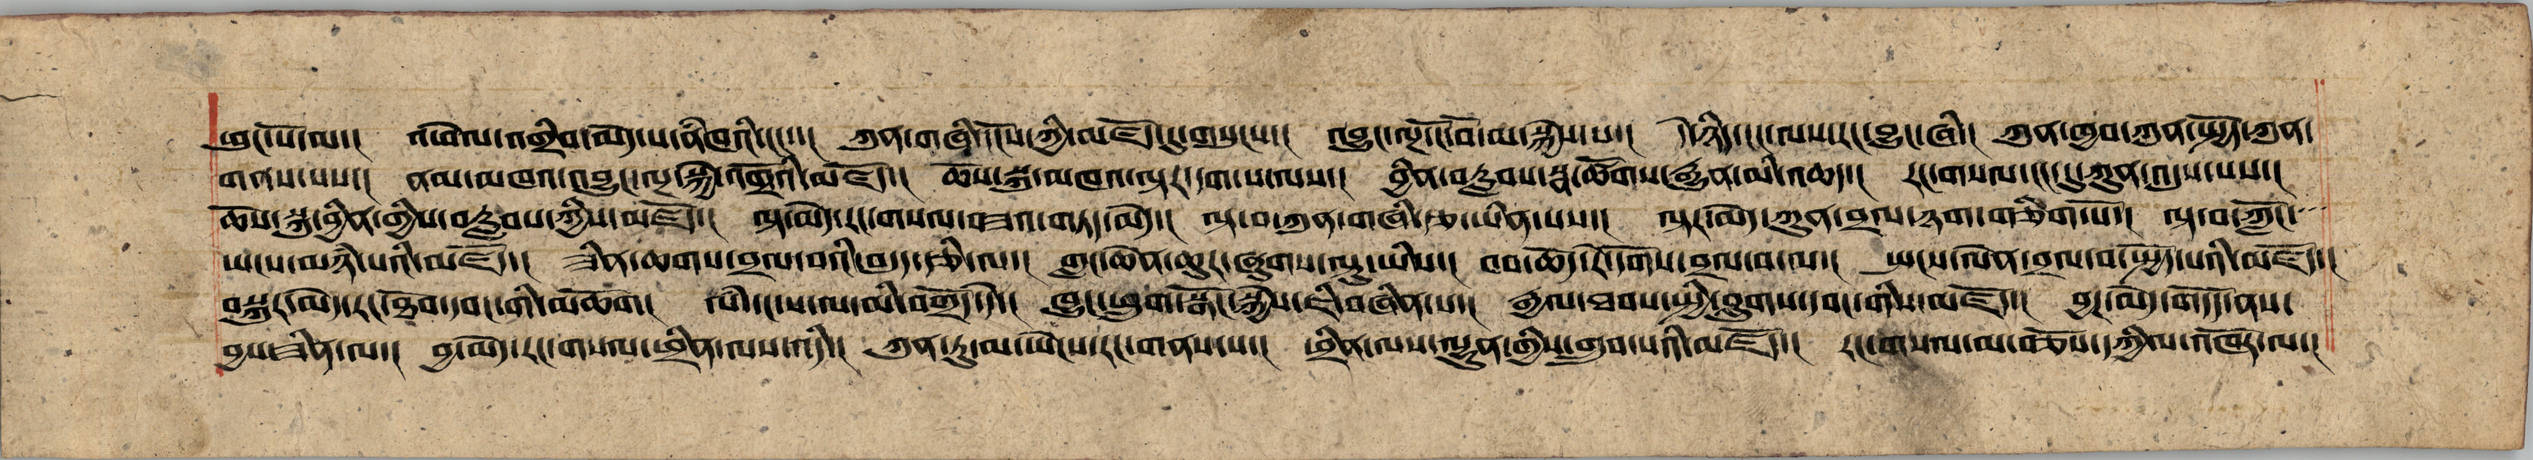ཕུང་པོ་ལ་། འཕེལ་འགྲིབ་མེད་པ་ནཾཁའི་ངང་་། ཀུན་གཞི་དངོས་ཀྱི་མཛོད་དུ་གསུངས་། འབྱུང་ལྔ་ངོ་བོ་མ་སྐྱེས་པ་། དེ་ཉིད་ངང་ལས་རང་བྱུང་ཞི་། ཀུན་ཁྱབ་ཀུན་སྤྱོད་ཀུན་
གནས་པས་། ནམ་མཁའ་འབྱུང་ལྔ་སྐྱེ་འགྲོའི་མཛོད་། ཆོས་སྐུ་མཁའ་ལྟར་དག་པ་ལས་། བྱིན་བརླབས་སྣ་ཚོགས་རྒྱུན་མི་འཆད་། རང་གསལ་ངང་དུ་ཀུན་འདུས་པས་།
ཆོས་སྐུ་བྱིན་གྱིས་བརླབས་ཀྱིས་མཛོད་། ལྟ་མེད་རང་གསལ་བཟའ་གཏད་མེད་། ལྟ་བ་ཀུན་གཞི་རྩ་ཡིན་པས་། ལྟར་མེད་ཀུན་བྲལ་ཉག་གཅིག་པོ་། ལྟ་བ་ཀློང་
ཡངས་མཉཾ་པའི་མཛོད་། ཟིན་ཆགས་བྲལ་བའི་བདུད་རྩི་ལ་། གླང་ཆེན་ཆུར་ཞུགས་ལྟུ་ཡིས་། བབ་ཆོད་རེ་དོགས་བྲལ་བ་ལ་། སྤངས་ལེན་བྲལ་བ་སྤྱོད་པའི་མཛོད་།
བསྐུར་མེད་རང་ཐོབ་དབང་གི་མཆོག། དགེ་དང་ས་ལ་མི་བགྲོད་དེ་། ཁྱུང་ཕྲུག་སྒོང་སྐྱེས་ཇི་བཞིན་པ་། རྒྱལ་ཐབས་སྤྱི་བླུགས་དབང་གིས་མཛོད་། བྱར་མེད་གདོད་ནས་
བྱས་ཟིན་ལ་། བྱ་མེད་རང་གསལ་ཕྲིན་ལས་འདི་། ཀུན་ཏུ་མ་ཡེངས་རང་གནས་པ་། ཕྲིན་ལས་ལྷུན་གྱིས་གྲུབ་པའི་མཛོད་། རང་གསལ་མ་བཅོས་དཀྱིལ་འཁོར་ལ་།